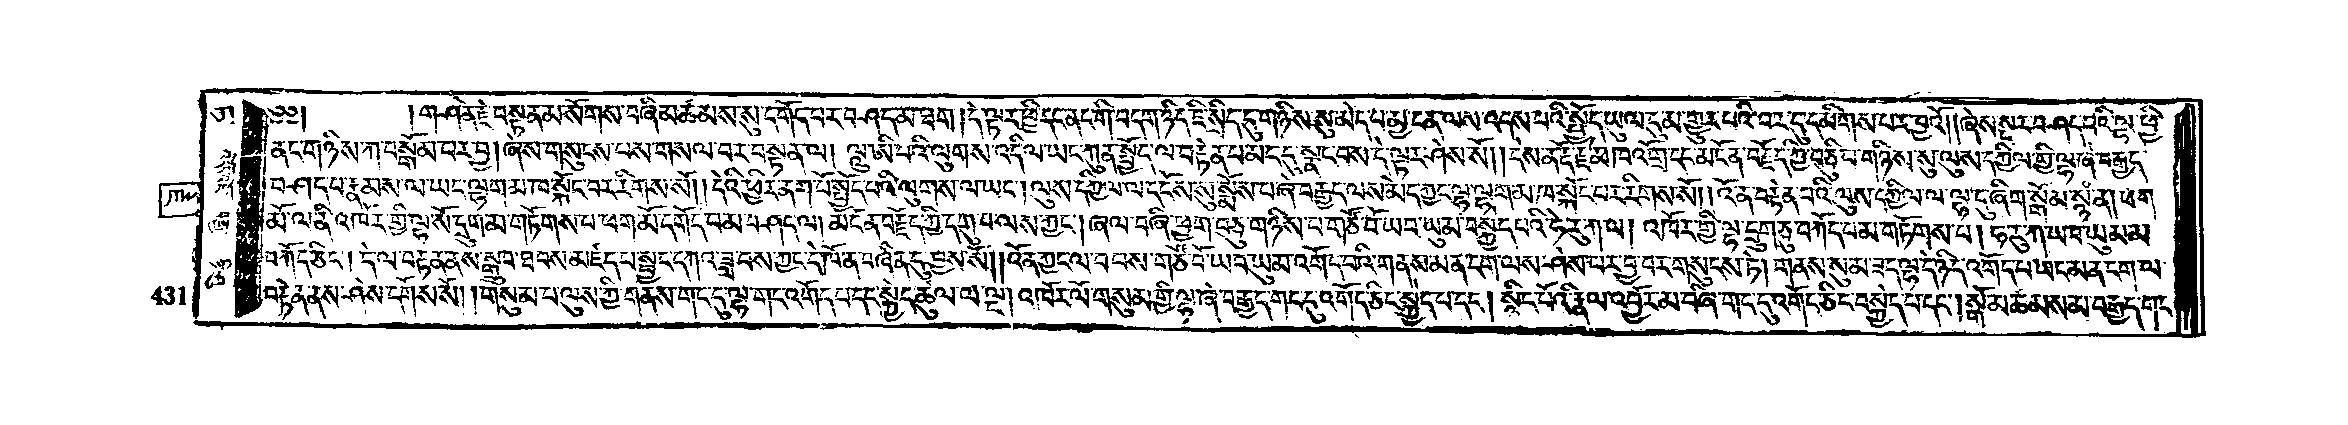༄༅། །གཤིན་རྗེ་བསྟན་མ་སོགས་བཞི་མཚམས་སུ་དགོད་པར་བཤད་མ་ཐག །དེ་ལྟར་ཕྱི་དང་ནང་གི་བདག་ཉིད་ཇི་སྲིད་དུ་གཉིས་སུ་མེད་པ་མྱ་ངན་ལས་འདས་པའི་སྤྱོད་ཡུལ་དུ་མ་གྱུར་བའི་བར་དུ་དམིགས་པར་བྱའོ། །ཞེས་སྔར་བཤད་པའི་ལྷ་ཕྱི་
ནང་གཉིས་ཀ་བསྒོམ་པར་བྱ། ཞེས་གསུངས་པས་གསལ་བར་བསྟན་ལ། ལཱུ་ཨི་པའི་ལུགས་འདི་ལ་ཡང་ཀུན་སྤྱོད་ལ་བརྟེན་པ་མང་དུ་སྣང་བས་དེ་ལྟར་ཤེས་སོ། །དེས་ན་རྡོ་རྗེ་མཁའ་འགྲོ་དང་མངོན་བརྗོད་ཀྱི་བཅུ་བཞི་པ་གཉིས་སུ་ལུས་དཀྱིལ་གྱི་ལྷ་ཞེ་བརྒྱད་
བཤད་པ་རྣམས་ལ་ཡང་ལྷག་མ་ཁ་སྐོང་བར་རིགས་སོ། །དེའི་ཕྱིར་ནག་པོ་སྤྱོད་པའི་ལུགས་ལ་ཡང་། ལུས་དཀྱིལ་ལ་དངོས་སུ་སྨོས་པ་ཞེ་བརྒྱད་ལས་མེད་ཀྱང་ལྷ་ལྷག་མ་ཁ་སྐོང་པར་རིགས་སོ། །འོ་ན་བརྟེན་པའི་ལུས་དཀྱིལ་ལ་ལྷ་དུ་ཞིག་སྒོམ་སྙཾ་ན། ཕག་
མོ་ལ་ནི་འཁོར་གྱི་ལྷ་སོ་དྲུག་མ་གཏོགས་པ་ཕག་མོ་དགོད་པ་མ་བཤད་ལ། མངོན་བརྗོད་ཀྱི་དགུ་པ་ལས་ཀྱང་། ཞལ་བཞི་ཕྱག་བཅུ་གཉིས་པ་གཙོ་བོ་ཡབ་ཡུམ་བསྐྱེད་པའི་ཧེ་རུ་ཀ་ལ། འཁོར་གྱི་ལྷ་དྲུག་ཅུ་བཀོད་པ་མ་གཏོགས་པ། ཧེ་རུ་ཀ་ཡབ་ཡུམ་མ་
བཀོད་ཅིང་། དེ་ལ་བརྟན་ནས་སྒྲུབ་ཐབས་མཛད་པ་སྦྱང་དཀའ་ཟླ་བས་ཀྱང་དེ་ཁོ་ན་བཞིན་དུ་བྱས་སོ། །འོན་ཀྱང་ལྭ་བ་པས་གཙོ་བོ་ཡབ་ཡུམ་འགོད་པའི་གནས་མན་ངག་ལས་ཤེས་པར་བྱ་བར་གསུངས་ཏེ། གནས་སུ་མ་ཟད་ལྷ་དེ་ཉིད་འགོད་པ་ཡང་མན་ངག་ལ་
བརྟེན་ནས་ཤེས་དགོས་སོ། །གསུམ་པ་ལུས་ཀྱི་གནས་གང་དུ་ལྷ་གང་འགོད་པ་དང་སྐྱེད་ཚུལ་ལ་ལྔ། འཁོར་ལོ་གསུམ་གྱི་ལྷ་ཞེ་བརྒྱད་གང་དུ་འགོད་ཅིང་སྐྱེད་པ་དང་། སྙིང་པོའི་རྣལ་འབྱོར་མ་བཞི་གང་དུ་འགོད་ཅིང་བསྐྱེད་པ་དང་། སྒོ་མཚམས་མ་བརྒྱད་གང་